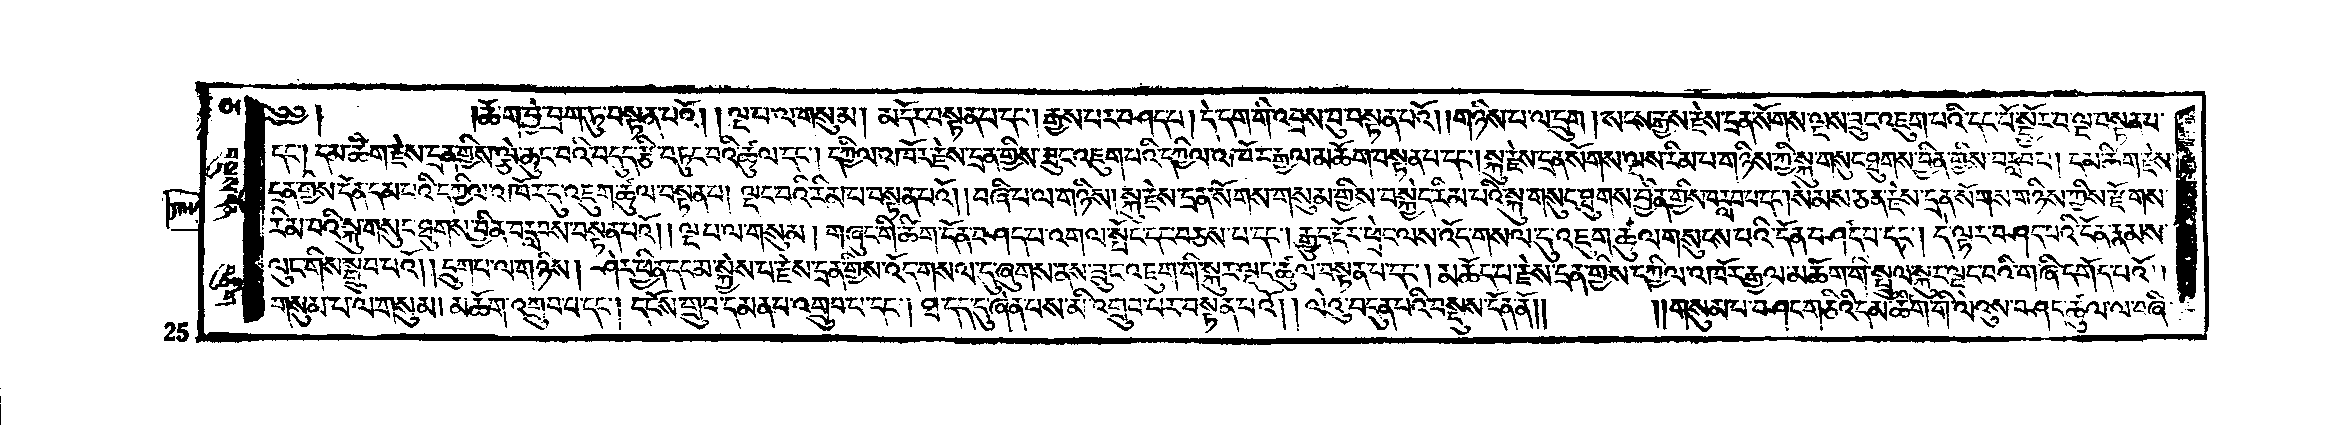༄༅། །ཆོ་ག་བྱེ་བྲག་ཏུ་བསྟན་པའོ། །ལྔ་པ་ལ་གསུམ། མདོར་བསྟན་པ་དང་། རྒྱས་པར་བཤད་པ། དེ་དག་གི་འབྲས་བུ་བསྟན་པའོ། །གཉིས་པ་ལ་དྲུག །སངས་རྒྱས་རྗེས་དྲན་སོགས་ལྔས་ཟུང་འཇུག་པའི་དང་པོ་སྦྱོར་བ་ལྔ་བསྟན་པ་
དང་། དམ་ཚིག་རྗེས་དྲན་གྱིས་ལྕེ་ཆུང་བའི་བདུད་རྩི་བཏུང་བའི་ཚུལ་དང་། དཀྱིལ་འཁོར་རྗེས་དྲན་གྱིས་ཟུང་འཇུག་པའི་དཀྱིལ་འཁོར་རྒྱལ་མཆོག་བསྟན་པ་དང་། སྐུ་རྗེས་དྲན་སོགས་ལྔས་རིམ་པ་གཉིས་ཀྱི་སྐུ་གསུང་ཐུགས་བྱིན་གྱིས་བརླབ་པ། དམ་ཚིག་རྗེས་
དྲན་གྱིས་དོན་དམ་པའི་དཀྱིལ་འཁོར་དུ་འཇུག་ཚུལ་བསྟན་པ། ལྡང་བའི་རིམ་པ་བསྟན་པའོ། །བཞི་པ་ལ་གཉིས། སྐུ་རྗེས་དྲན་སོགས་གསུམ་གྱིས་བསྐྱེད་རིམ་པའི་སྐུ་གསུང་ཐུགས་བྱིན་གྱིས་བརླབ་པ་དང་། སེམས་ཅན་རྗེས་དྲན་སོགས་གཉིས་ཀྱིས་རྫོགས་
རིམ་པའི་སྐུ་གསུང་ཐུགས་བྱིན་བརླབས་བསྟན་པའོ། །ལྔ་པ་ལ་གསུམ། གཞུང་གི་ཚིག་དོན་བཤད་པ་འགལ་སྤོང་དང་བཅས་པ་དང་། རྒྱུད་རྡོར་ཕྲེང་ལས་འོད་གསལ་དུ་འཇུག་ཚུལ་གསུངས་པའི་དོན་བཤད་པ་དང་། དེ་ལྟར་བཤད་པའི་དོན་རྣམས་
ལུང་གིས་སྒྲུབ་པའོ། །དྲུག་པ་ལ་གཉིས། ཤེར་ཕྱིན་དང་མ་སྐྱེས་པ་རྗེས་དྲན་གྱིས་འོད་གསལ་དུ་ཞུགས་ནས་ཟུང་འཇུག་གི་སྐུར་ལྡང་ཚུལ་བསྟན་པ་དང་། མཆོད་པ་རྗེས་དྲན་གྱིས་དཀྱིལ་འཁོར་རྒྱལ་མཆོག་གི་སྤྲུལ་སྐུར་ལྡང་བའི་གཞི་དགོད་པའོ། །
གསུམ་པ་ལ་གསུམ། མཆོག་འགྲུབ་པ་དང་། དངོས་གྲུབ་དམན་པ་འགྲུབ་པ་དང་། ཐ་དད་དུ་ཞེན་པས་མི་འགྲུབ་པར་བསྟན་པའོ། །ལེའུ་བདུན་པའི་བསྡུས་དོན་ནོ།། །།གསུམ་པ་བཤད་གཅིའི་དམ་ཚིག་གི་ལེའུས་བཤད་ཚུལ་ལ་བཞི།